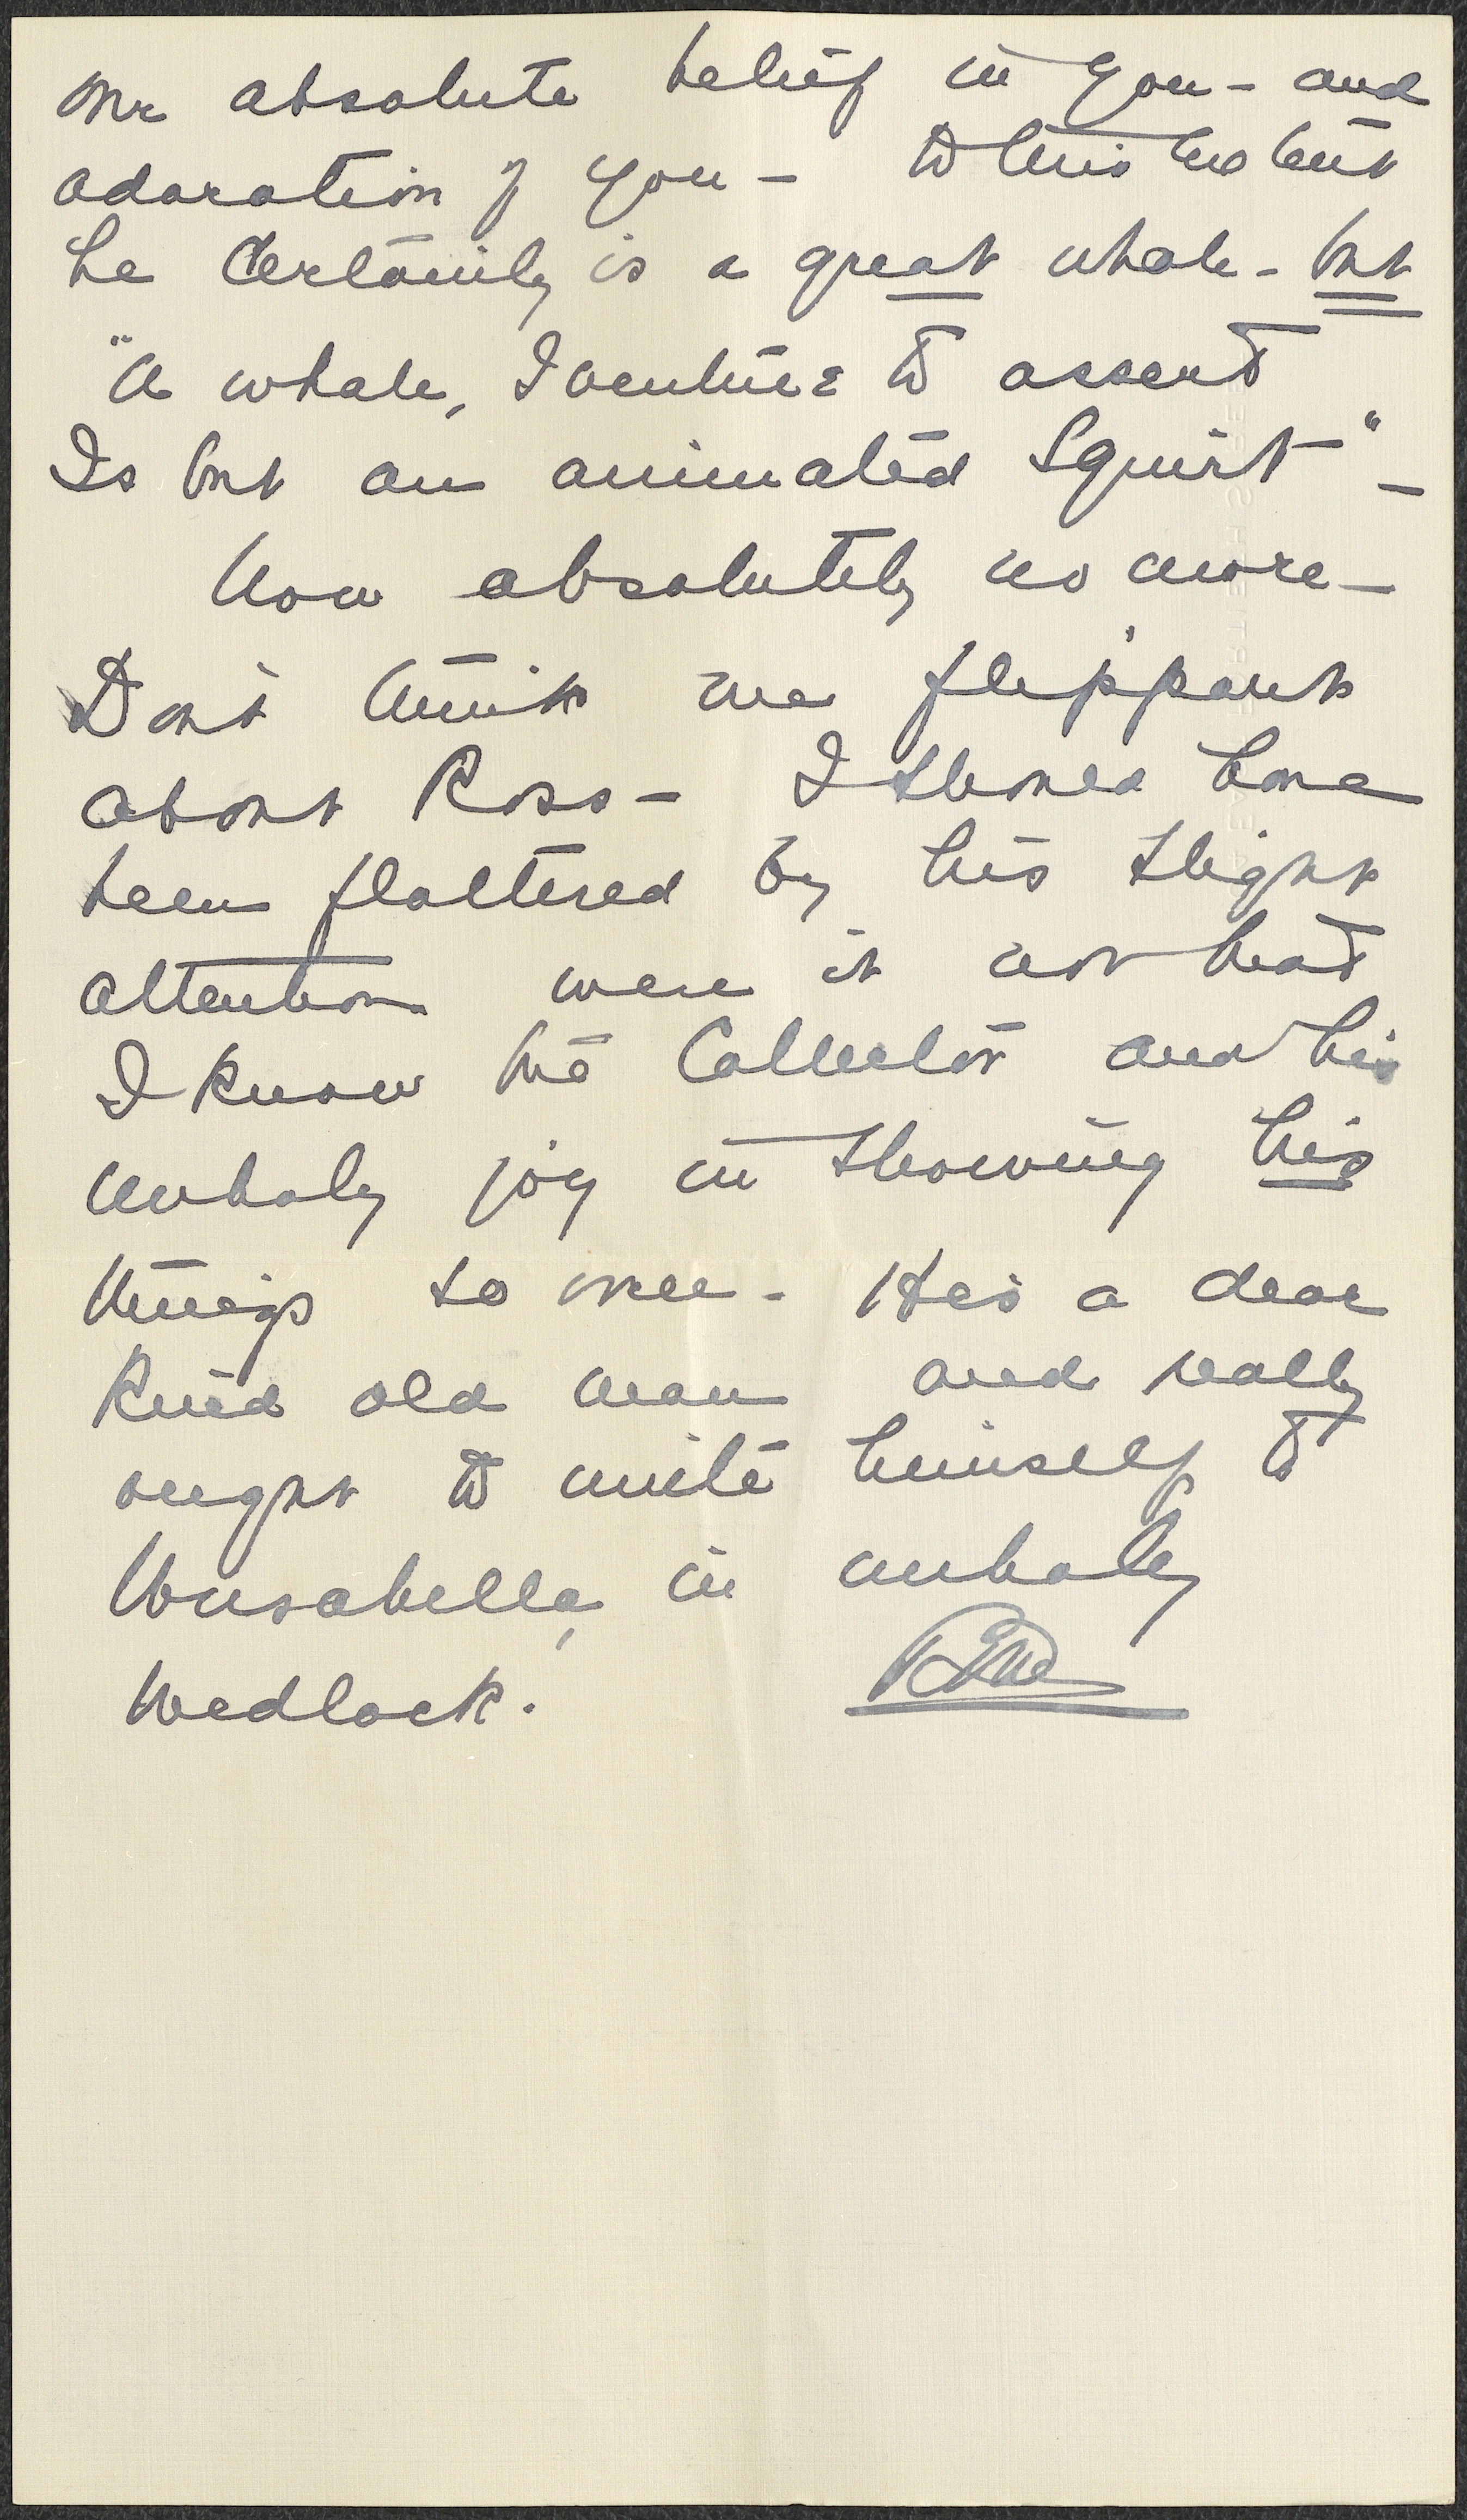our absolutely belief in you – and adoration of you – to this extent he certainly is a great whale – [double underlined: but] “A whale, I venture to assert / Is but an animated Squirt” –
Now absolutely no more –
Don’t think me flippant about Ross – I should have been flattered by his slight attention were it not that I know the collector and his unholy joy in showing his things so well – He’s a dear kind old man and really ought to write himself to Wusabella in unholy wedlock! Belle